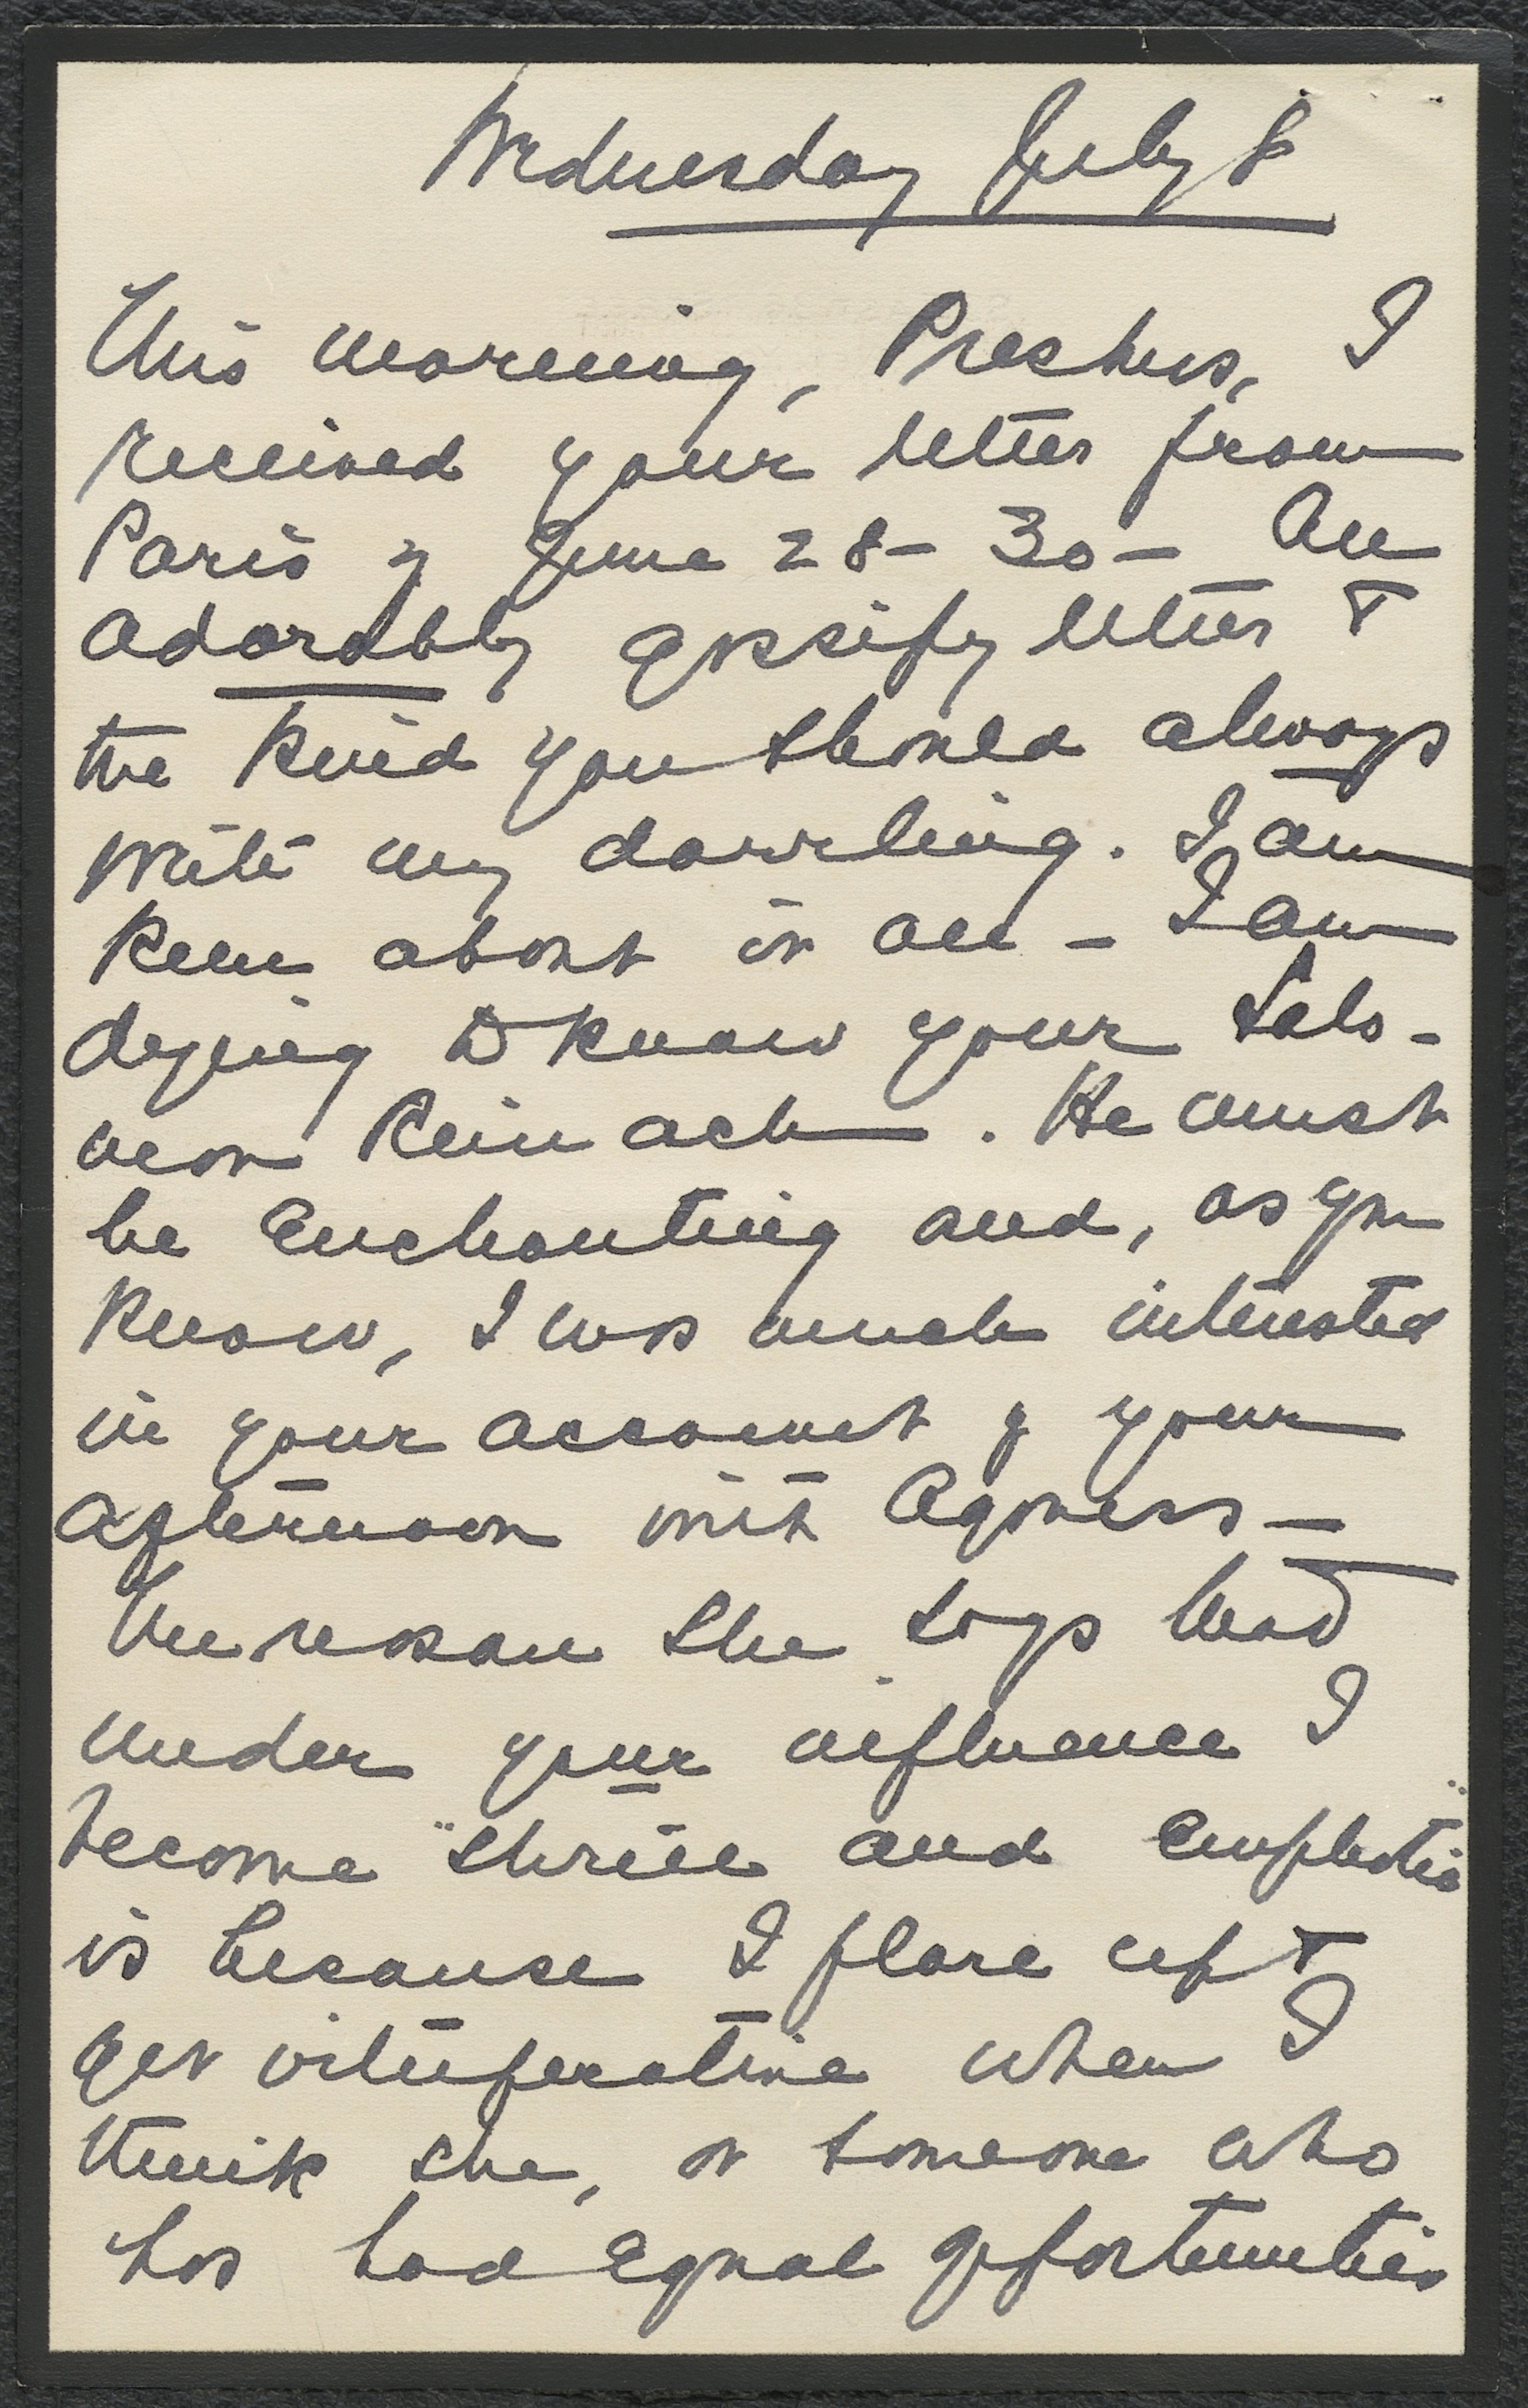Wednesday, July 8
This morning, Preshus, I received your letter from Paris of June 28–30 – an adorably gossipy letter & the kind you should always write my darrling. I am keen about it all – I am dying to know your Salomon Reinach. He must be enchanting and, as you know, I was much interested in your account of your afternoon with Agoness – the reason she says that under your influence I become “shrill and emphatic” is because I flare up & get vituperative when I think she, or someone who has had equal opportunities